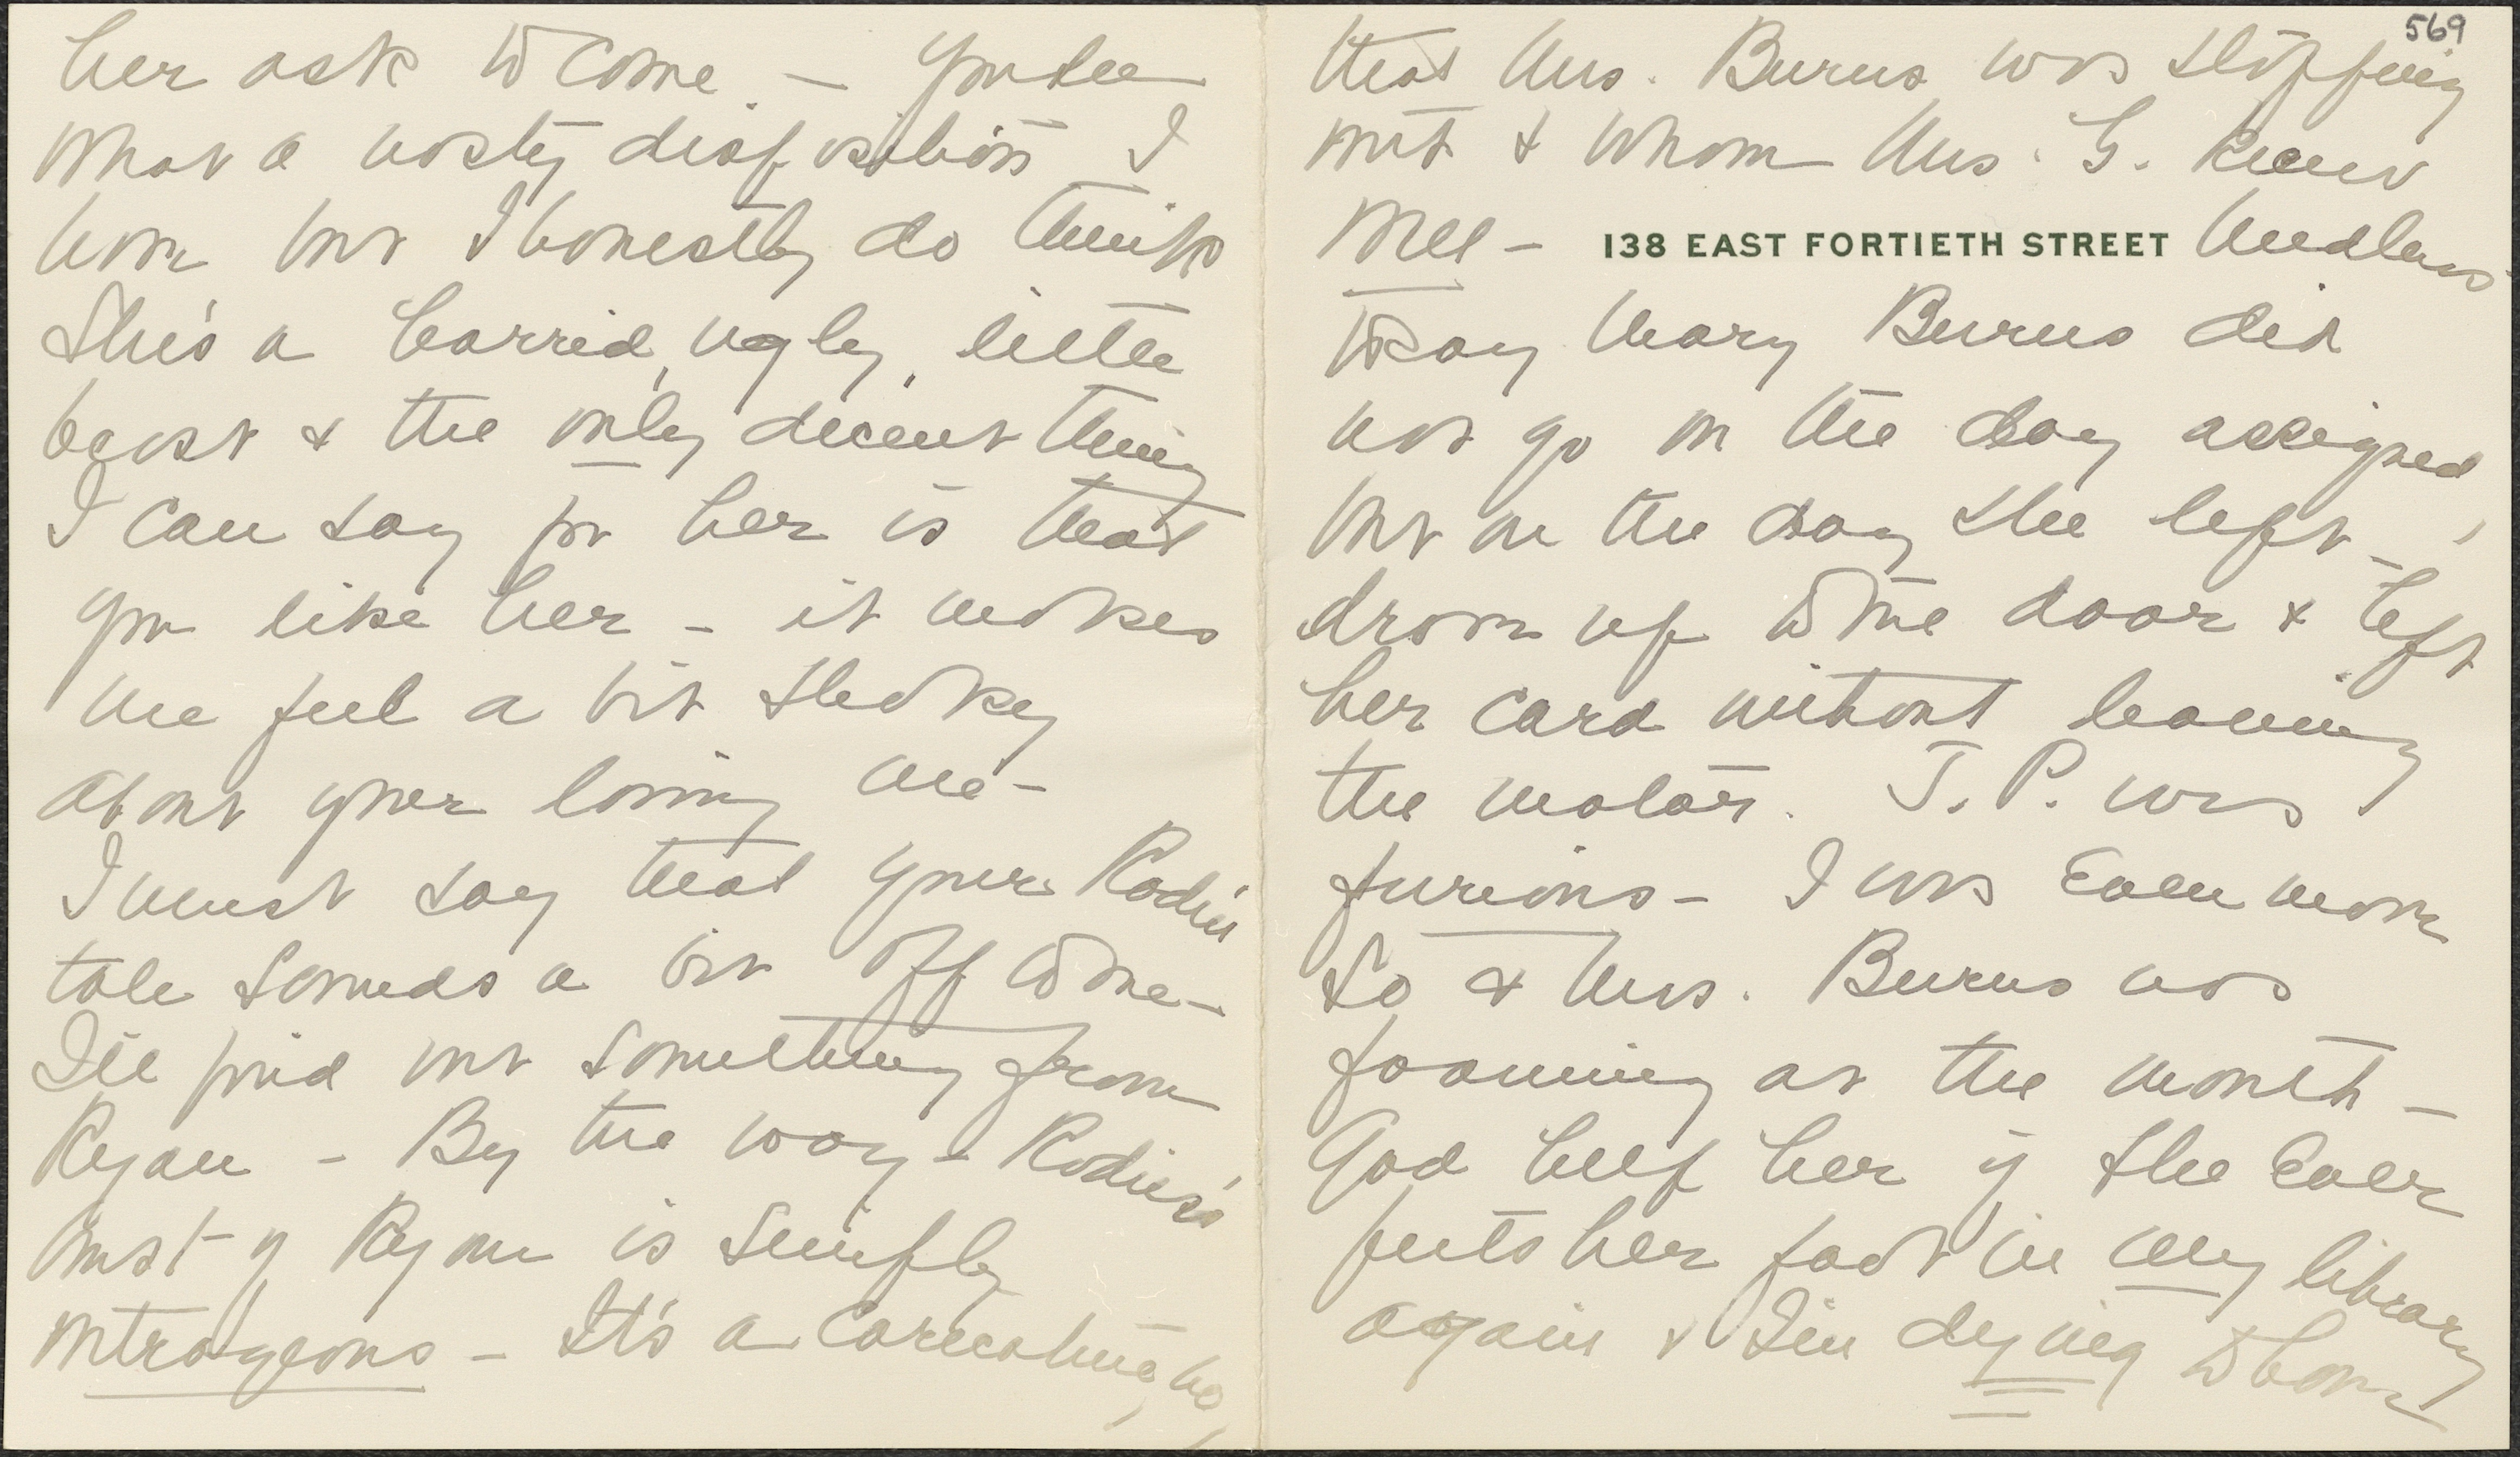that Mrs. Burns was stopping with & whom Mrs. G. knew well – Needless to say Mary Burns did not go on the day assigned, but on the day she left – drove up to the door & left her card without leaving the motor. J.P. was furious – I was even more so & Mrs. Burns was foaming at the mouth – God help her if she ever puts her foot in my library again & I’m [triple underlined: dying] to have
her ask to come – You see what a nasty disposition I have but I honestly do think she’s a horrid, ugly, little beast & the only decent thing I can say for her is that you like her – it makes me feel a bit shaky about your loving me –
I must say that your Rodin tale sounds a bid off to me – I’ll find out something from Ryan – By the way – Rodin’s bust of Ryan is simply outrageous – It’s a caricature, no,